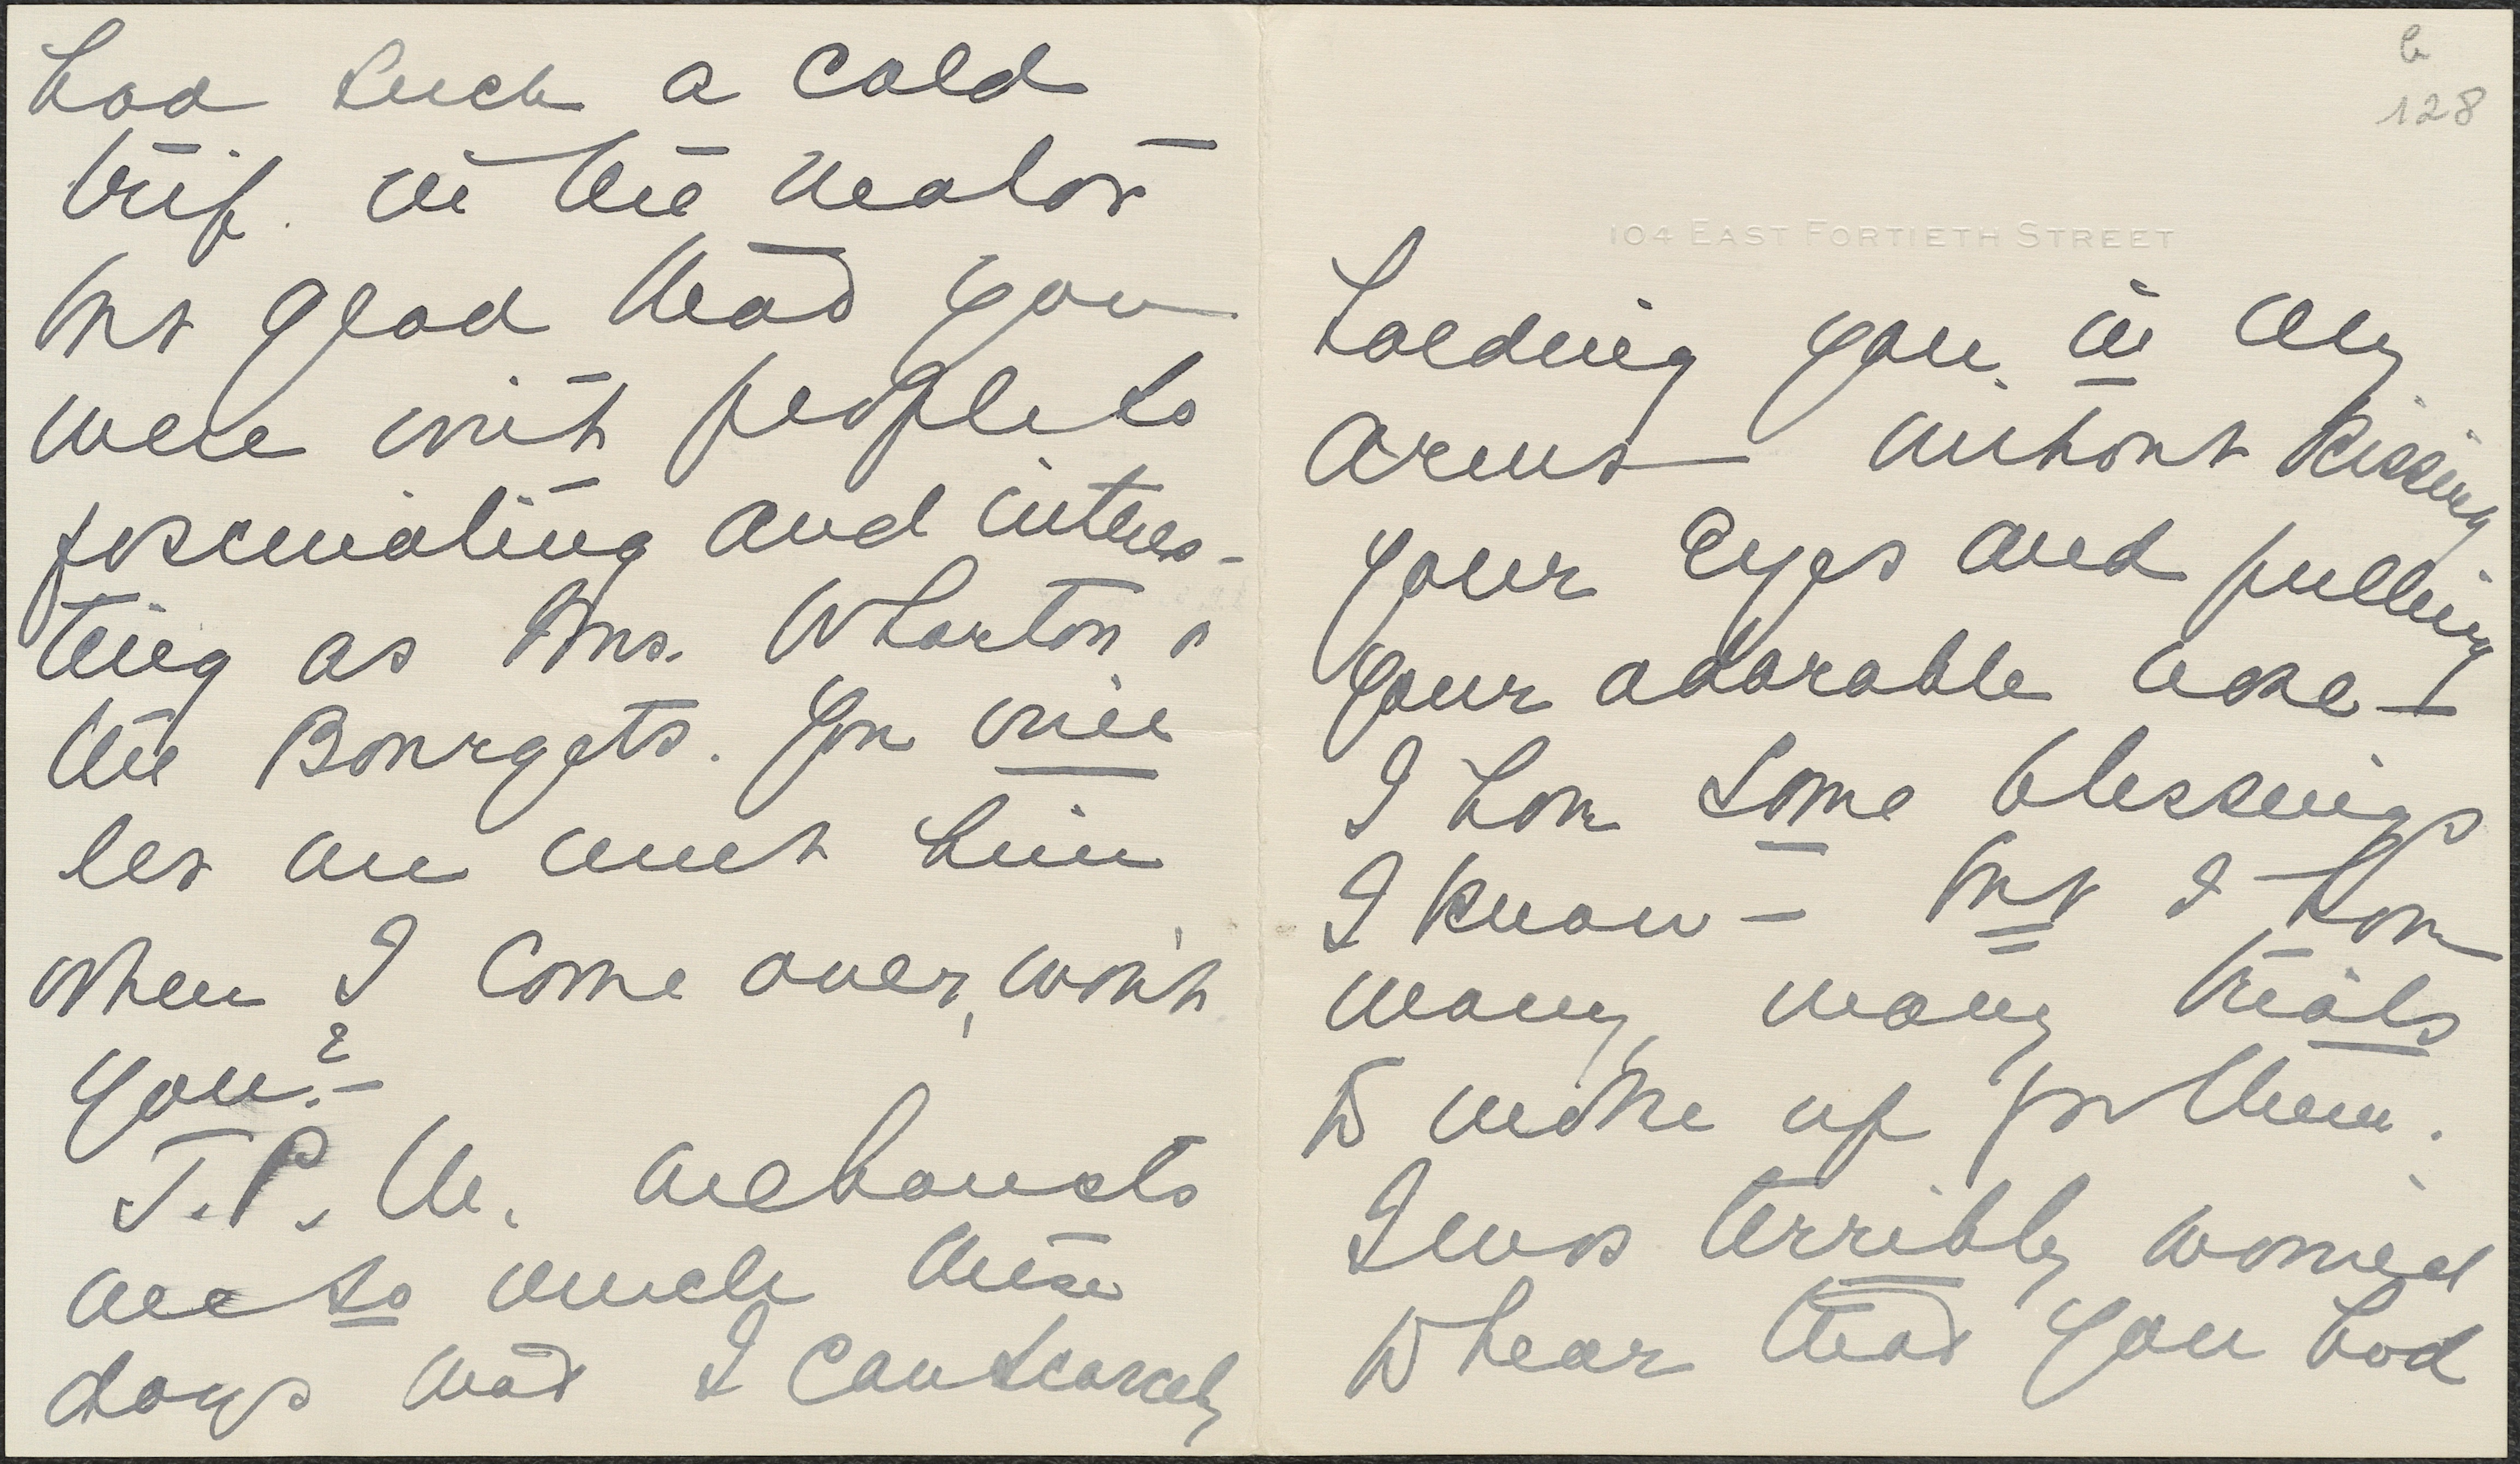holding you in my arms – without kissing your eyes and pulling your adorable nose – I have some blessings I know – [double underlined: but] I have many many trials to make up for them. I was terribly worried to hear that you had
had such a cold trip in the motor but good that you were with people so fascinating and interesting as Mrs. Wharton & the Bourgets. You will let me meet him when I come over, won’t you? –
J. P. M. exhausts me so much these days that I can scarcely